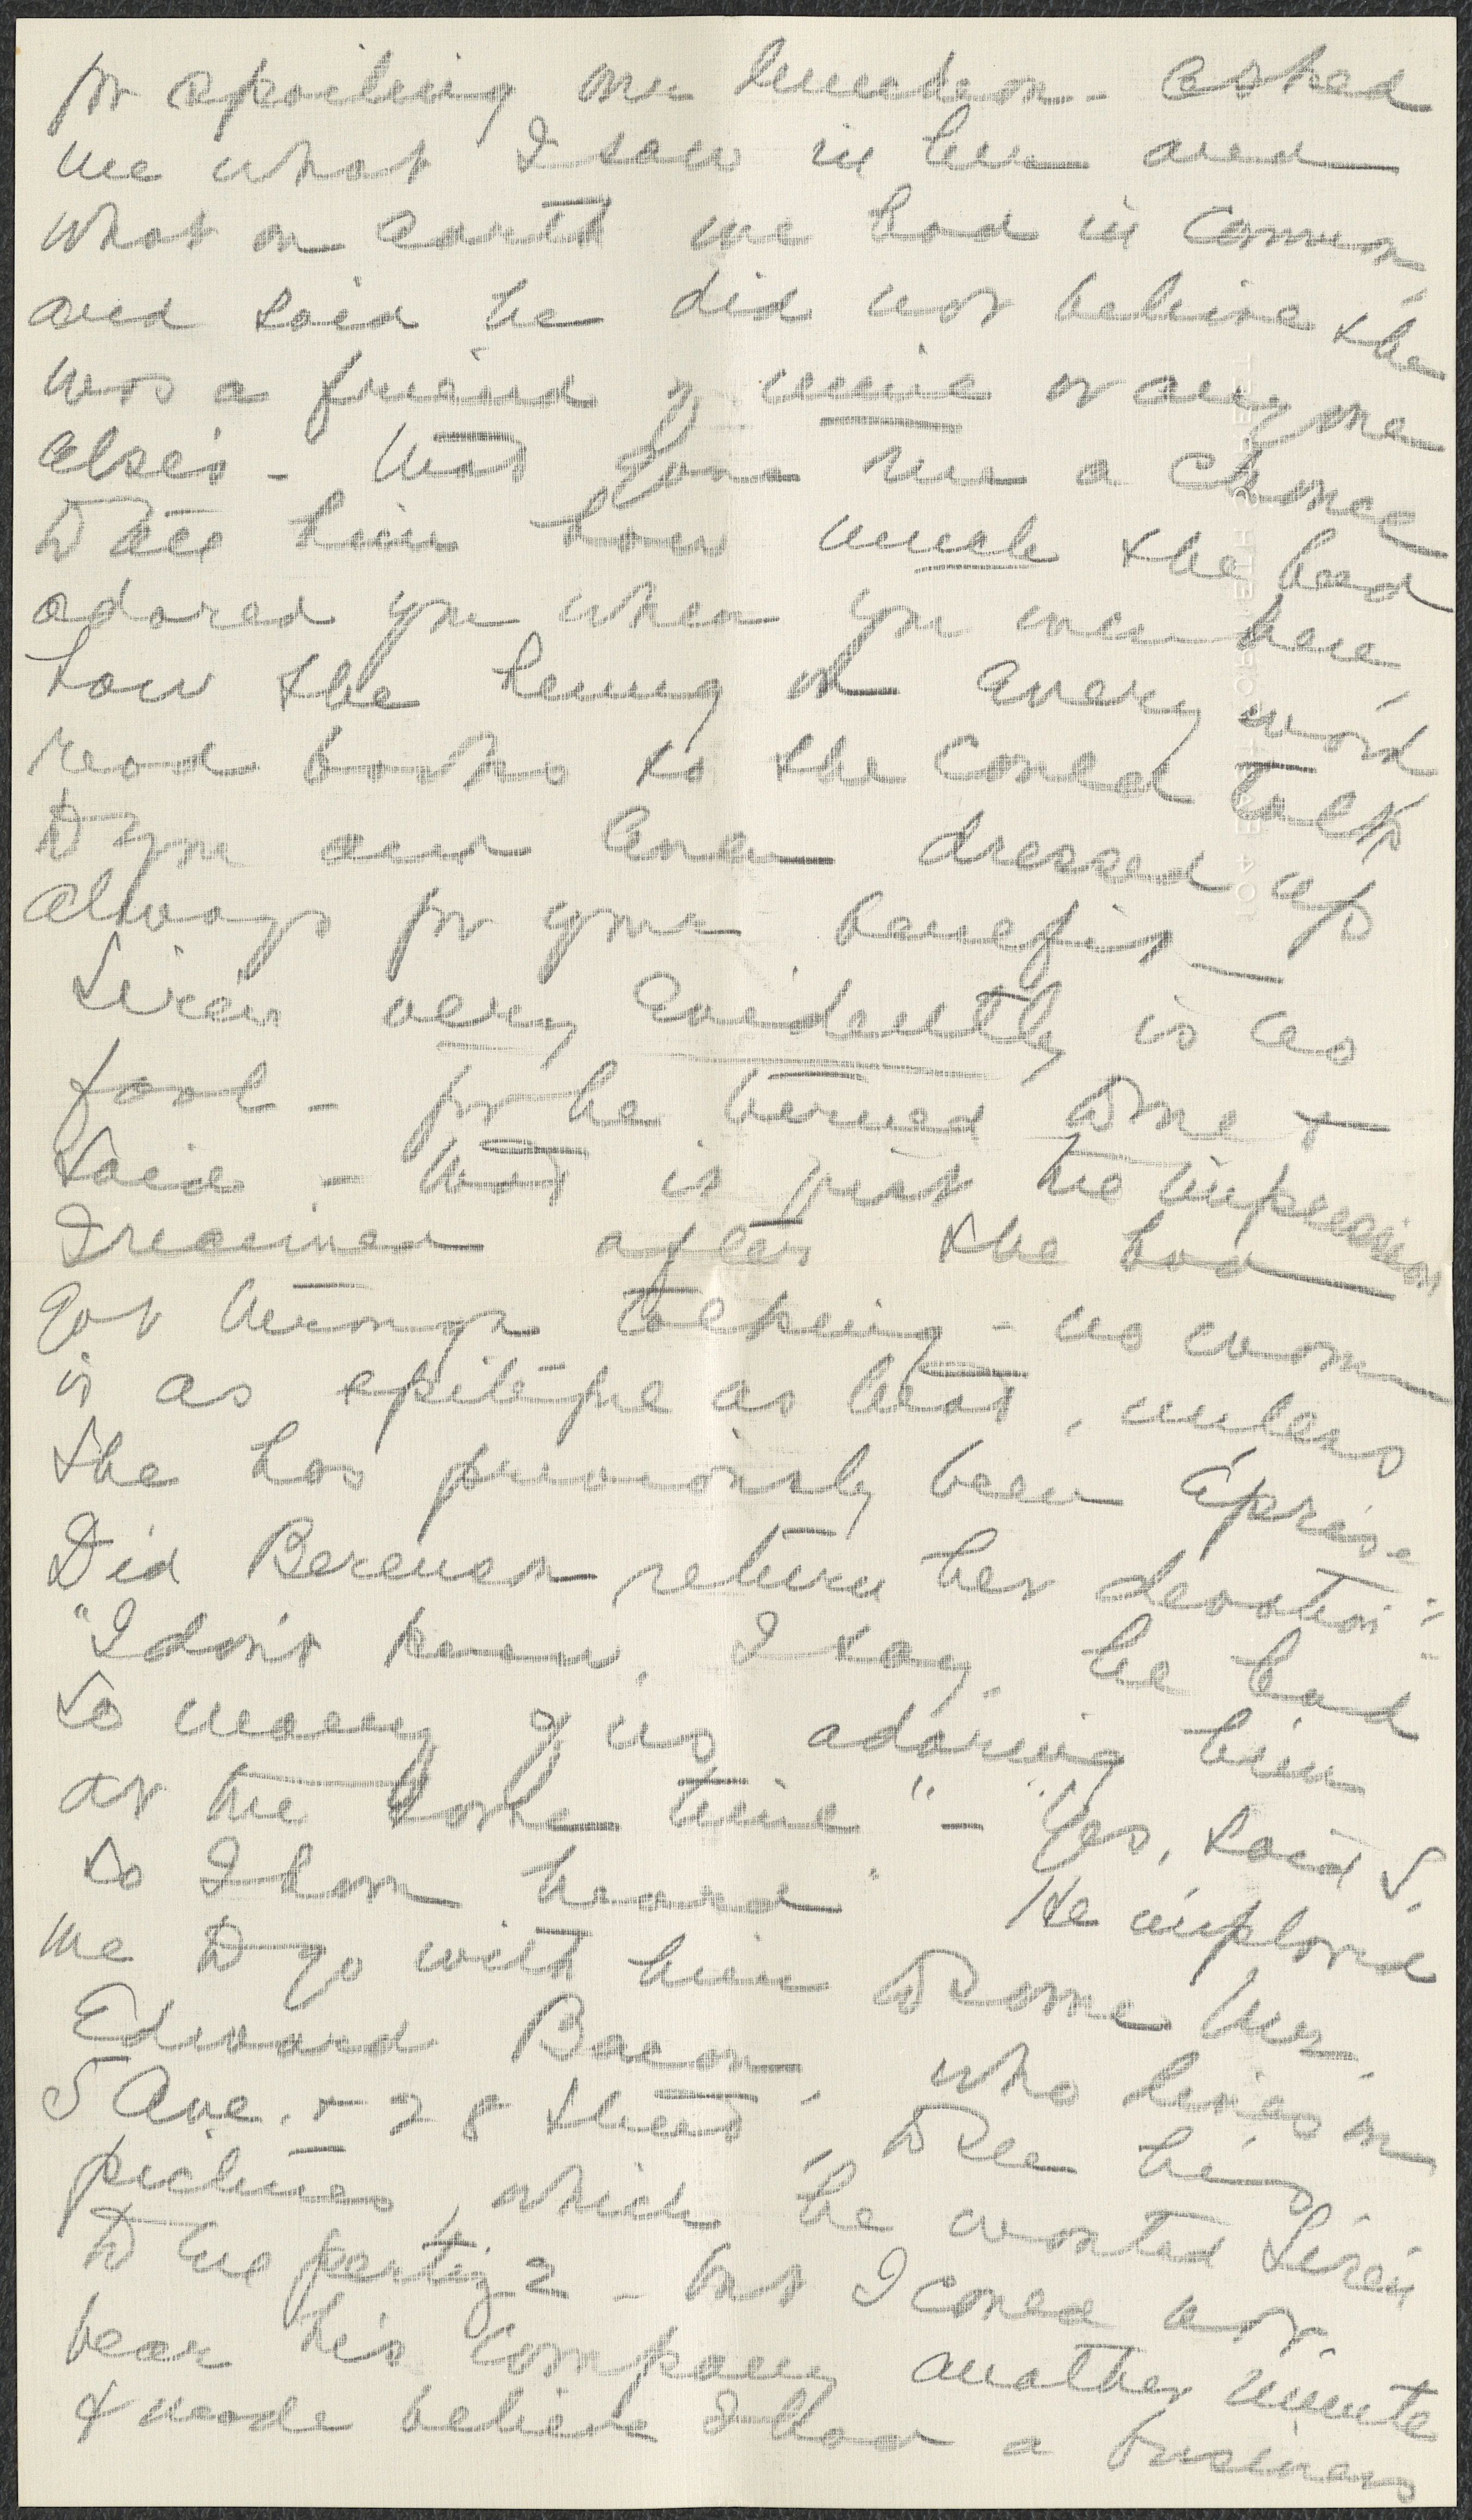for spoiling our luncheon – asked me what I saw in her and what on Earth we had in common, and said he did not believe she was a friend of mine or anyone else’s – that gave me a chance to tell him how much she had adored you when you were here, how she hung on every word read books so she could talk to you and even dressed up always for your benefit – Sirén very evidently is no fool – for he turned to me & said – that is just the impression I received after she had got through talking – no woman is as spiteful as that, unless she has previously been éprise
Did Berenson return her devotion? – “I don’t know, I say, he had so many of us adoring him at the same time” – “Yes, said S. so I have heard” He implored me to go with him to some Mr. Edward Bacon, who lives on 5 Ave. & 28 Street, to see his pictures, which he wanted Sirén to expertize – but I could not bear his company another minute & made believe I had a business